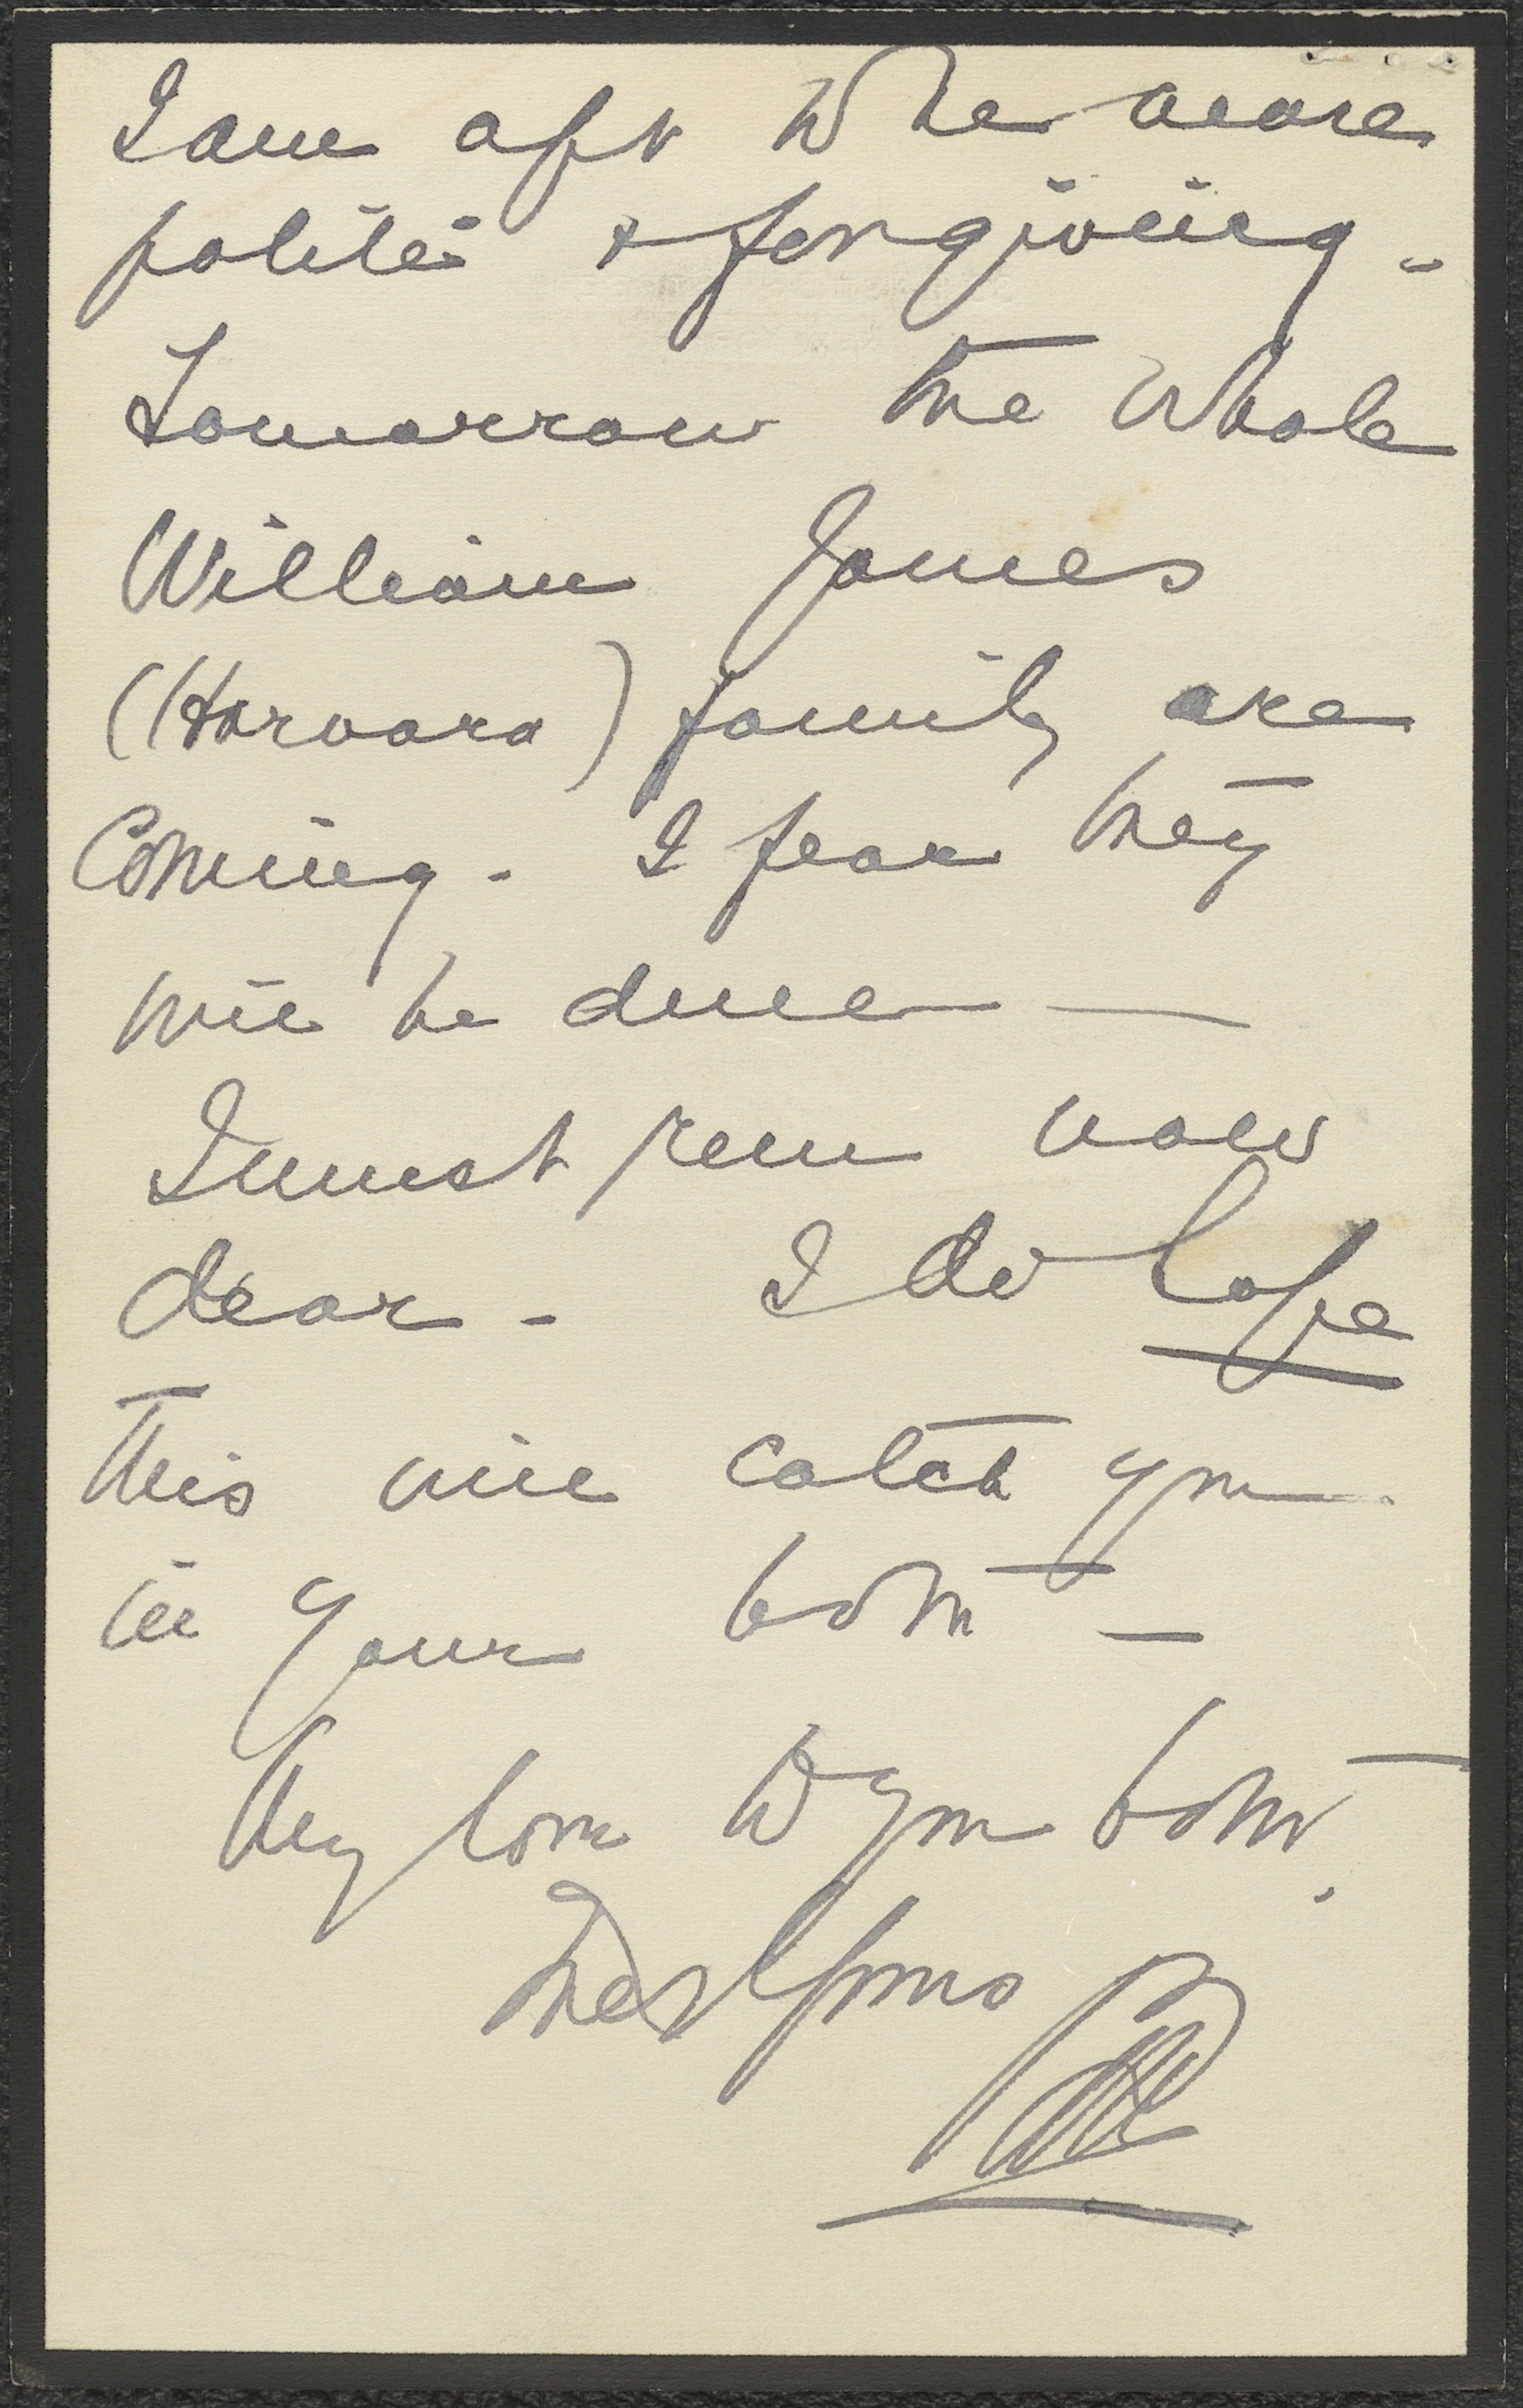I am apt to be more polite & forgiving – Tomorrow the whole William James (Harvard) family are coming. I fear they will be dull –
I must rest now dear – I do hope this will catch you in your bath –
My love to your both –
Ever Yours
Belle